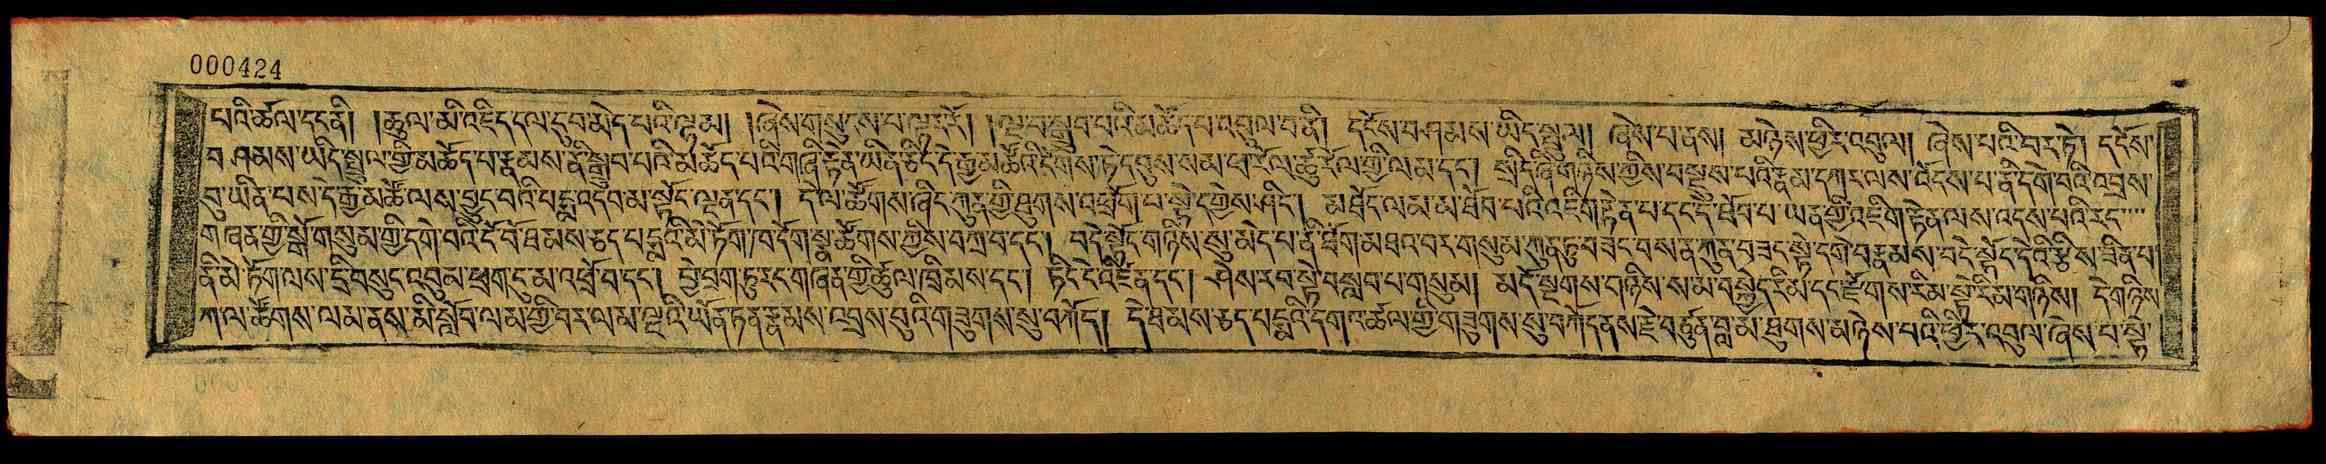པའི་ཚལ་དང་ནི། །ཚུལ་མི་འཇིངྔལ་དུབ་མེད་པའི་ལྷམ། །ཞེས་གསུངས་པ་ལྟར་རོ། །ལྔ་པ་སྒྲུབ་པའི་མཆོད་པ་འབུལ་བ་ནི། དངོས་བཤམས་ཡིད་སྤྲུལ། ཞེས་པ་ནས། མཉེས་ཕྱིར་འབུལ། ཞེས་པའི་བར་ཏེ། དངོས་
བཤམས་ཡིད་སྤྲུལ་གྱི་མཆོད་པ་རྣམས་ནི་སྒྲུབ་པའི་མཆོད་པའི་གཞི་རྟེན་ཡིན་ཅིང་དེ་རྒྱ་མཚོའི་དགོས་ཏེ་དབུས་སམ་ཕ་རོལ་ཚུ་རོལ་གྱི་ལམ་དང་། སྲིད་ཞི་གཉིས་ཀྱིས་བསྡུས་པའི་རྣམ་དཀར་ལས་འོངས་པ་ནི་དགེ་བའི་འབྲས་
བུ་ཡིན་པས་དེ་རྒྱ་མཚོ་ལས་བྱུང་བའི་པདམ་འདབ་མ་སྟོང་ལྡན་དང་། དེ་ལ་ཚོགས་ཞིང་ཀུན་གྱི་ཐུགས་འཕྲོག་པ་སྟེ་དགྱེས་ཤིང་། མཐོང་ལམ་མ་ཐོབ་པའི་འཇིག་རྟེན་པ་དང་དེ་ཐོབ་པ་ཡན་གྱི་འཇིག་རྟེན་ལས་འདས་པའི་རང་
གཞན་གྱི་སྒོ་གསུམ་གྱི་དགེ་བའི་ངོ་བོ་ཐམས་ཅད་པདམའི་མེ་ཏོག་ཁ་དོག་སྣ་ཚོགས་ཀྱིས་བཀྲ་བ་དང་། བདེ་སྟོང་གཉིས་སུ་མེད་པ་ནི་ཐོག་མཐའ་བར་གསུམ་ཀུན་ཏུ་བཟང་བས་ན་ཀུན་བཟང་སྟེ་དགེ་བ་རྣམས་བདེ་སྟོང་དེའི་རྩིས་ཟིན་པ་
ནི་མེ་ཏོག་ལས་དྲི་བསུང་འབུམ་ཕྲག་དུ་མ་འཕྲོ་བ་དང་། བྱེ་བྲག་ཏུ་རང་གཞན་གྱི་ཚུལ་ཁྲིམས་དང་། ཏིང་ངེ་འཛིན་དང་། ཤེས་རབ་སྟེ་བསླབ་པ་གསུམ། མདོ་སྔགས་གཉིས་སམ་བསྐྱེད་རིམ་དང་རྫོགས་རིམ་སྟེ་རིམ་གཉིས། དེ་གཉིས་
སྣ་ཚོགས་ལམ་ནས་མི་སློབ་ལམ་གྱི་བར་ལམ་ལྔའི་ཡོན་ཏན་རྣམས་འབྲས་བུའི་གཟུགས་སུ་བཀོད། དེ་ཐམས་ཅད་པདམའི་དགའ་ཚལ་གྱི་གཟུགས་སུ་བཀོད་ནས་རྗེ་བཙུན་བླ་མ་ཐུགས་མཉེས་པའི་ཕྱིར་འབུལ་ཞེས་པ་སྟེ་